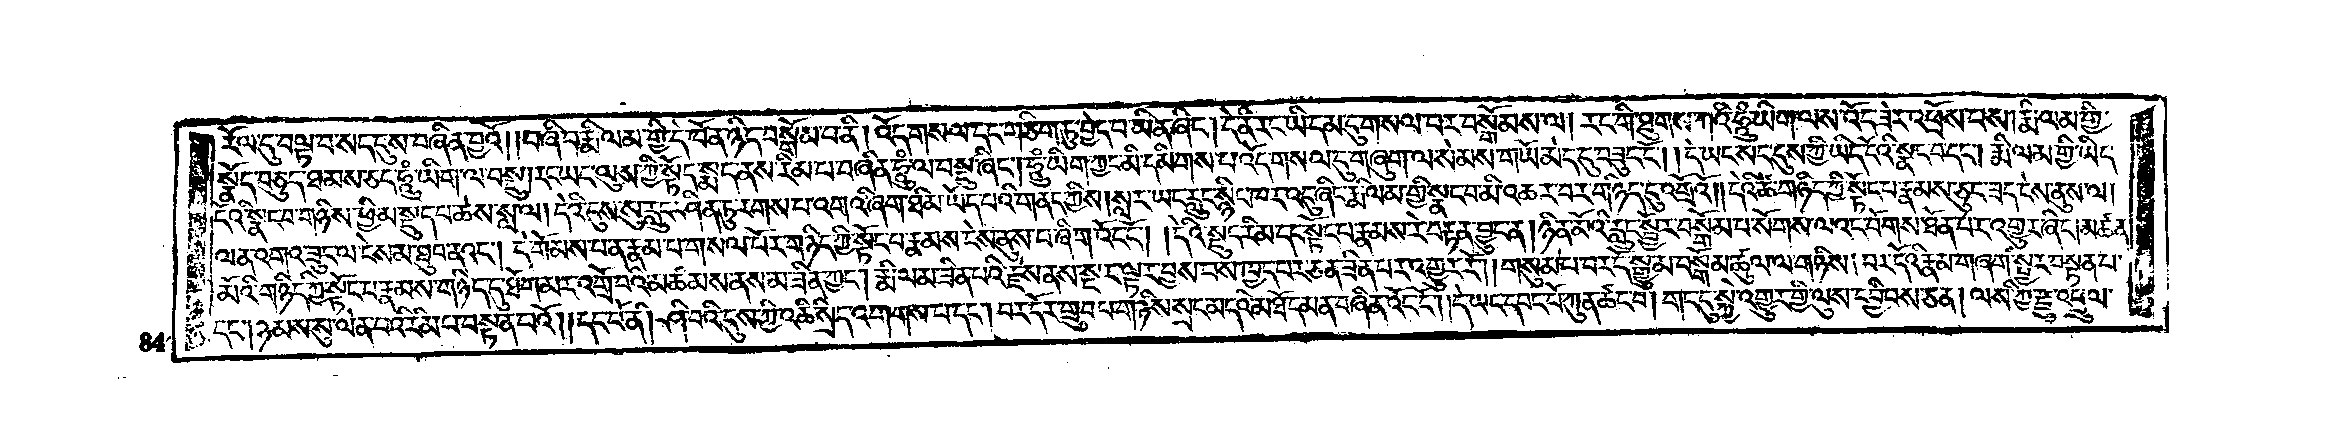རོལ་དུ་བལྟ་བ་སད་དུས་བཞིན་བྱའོ། །བཞི་བ་རྨི་ལམ་གྱི་དེ་ཁོ་ན་ཉིད་བསྒོམ་པ་ནི། འོད་གསལ་དང་གཅིག་ཏུ་བྱེད་པ་ཡིན་ཞིང་། དེ་ནི་རང་ཡི་དམ་དུ་གསལ་བར་བསྒོམས་ལ། རང་གི་ཐུགས་ཀའི་ཧཱུཾ་ཡིག་ལས་འོད་ཟེར་འཕྲོས་པས། རྨི་ལམ་གྱི་
སྣོད་བཅུད་ཐམས་ཅད་ཧཱུཾ་ཡིག་ལ་བསྡུ། རང་ཡང་ལུས་ཀྱི་སྟོད་སྨད་ནས་རིམ་པ་བཞིན་ཧཱུཾ་ལ་བསྡུ་ཞིང་། ཧཱུཾ་ཡིག་ཀྱང་མི་དམིགས་པ་འོད་གསལ་དུ་གཞུག་ལ་སེམས་གཡོ་མེད་དུ་བཟུང་ངོ། །དེ་ཡང་སད་དུས་ཀྱི་ཡིད་ངོའི་སྣང་བ་དང་། རྨི་ལམ་གྱི་ཡིད་
ངོའི་སྣང་བ་གཉིས་ཕྱི་མ་སྡུད་པ་ཆེས་སླ་ལ། དེའི་དུས་སུ་རླུང་ཤིན་ཏུ་རགས་པ་འགའ་ཞིག་ཐིམ་ཡོད་པའི་གནས་ཀྱིས། སླར་ཡང་རླུང་སྙིང་ཁར་འདུ་ཞིང་རྨི་ལམ་གྱི་སྣང་བ་མི་འཆར་བར་གཉིད་དུ་འགྲོའོ། །དེའི་ཚེ་གཉིད་ཀྱི་སྟོང་པ་རྣམས་ཅུང་ཟད་ངེས་ནུས་ལ།
ལན་འགའ་ཟུང་ལ་ངེས་མ་ཐུབ་ནའང་། དེ་གོམས་པ་ན་རྣམ་པ་གསལ་པོར་གཉིད་ཀྱི་སྟོང་པ་རྣམས་ངེས་ནུས་པ་ཞིག་འོང་ངོ། །དེའི་སྡུད་རིམ་དང་སྟོང་པ་རྣམས་རེ་བརྟན་བྱུང་ན། ཉིན་མོའི་རླུང་སྦྱོར་བསྒོམ་པ་སོགས་ལའང་བོགས་ཐོན་པར་འགྱུར་ཞིང་། མཚན་
མོའི་གཉིད་ཀྱི་སྟོང་པ་རྣམས་གཉིད་དུ་ཐོག་མར་འགྲོ་བའི་མཚམས་ནས་མ་ཟིན་ཀྱང་། རྨི་ལམ་ཟིན་པའི་རྗེས་ནས་སྔར་ལྟར་བྱས་པས་ཁྱད་པར་ཅན་ཟིན་པར་འགྱུར་རོ། །གསུམ་པ་བར་དོ་སྒྱུ་མ་བསྒོམ་ཚུལ་ལ་གཉིས། བར་དོའི་རྣམ་གཞག་སྤྱིར་བསྟན་པ་
དང་། ཉམས་སུ་ལེན་པའི་རིམ་པ་བསྟན་པའོ། །དང་པོ་ནི། ཤི་བའི་དུས་ཀྱི་འཆི་སྲིད་འགགས་པ་དང་། བར་དོར་གྲུབ་པ་གཉིས་སྲང་མདའི་མཐོ་དམན་བཞིན་འོང་ངོ། །དེ་ཡང་དབང་པོ་ཀུན་ཚང་བ། གང་དུ་སྐྱེ་འགྱུར་གྱི་ལུས་དབྱིབས་ཅན། ལས་ཀྱི་རྫུ་འཕྲུལ་